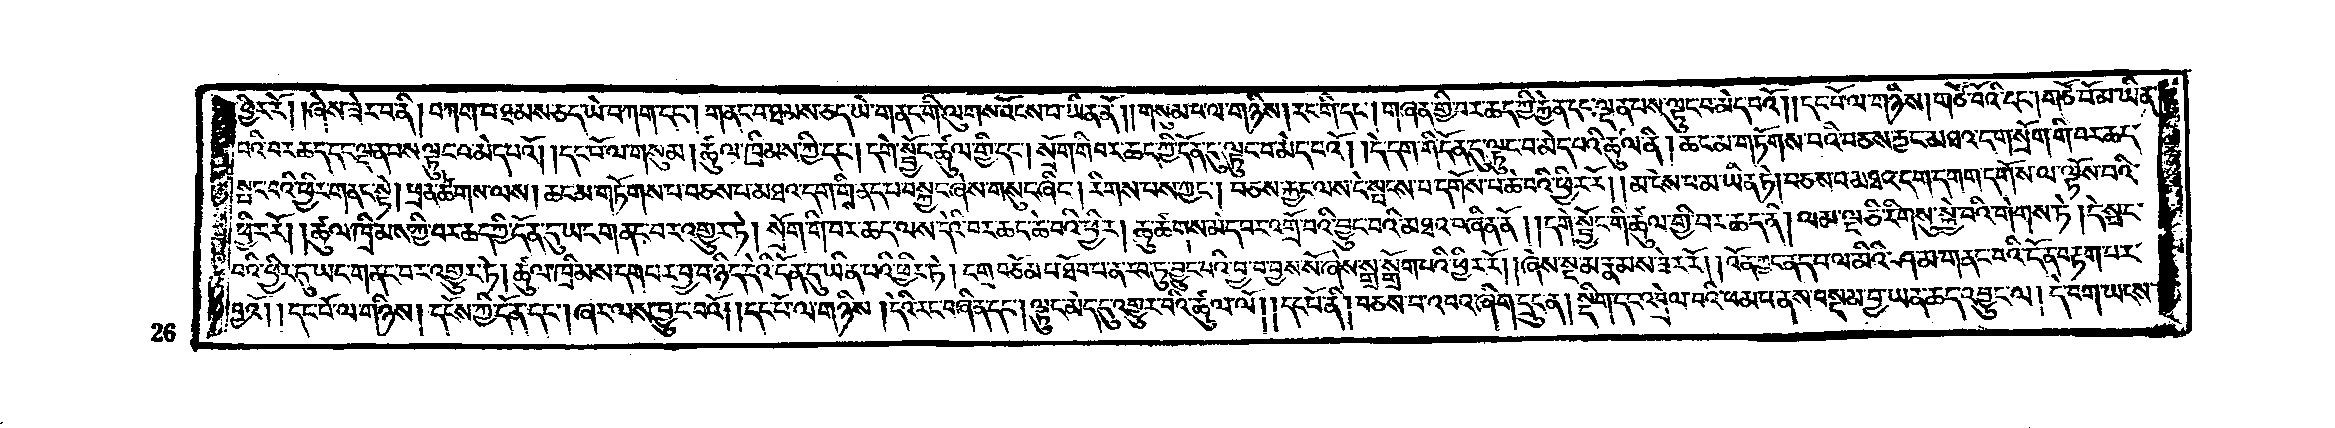ཕྱིར་རོ། །ཞེས་ཟེར་བ་ནི། བཀག་པ་ཐམས་ཅད་ཡེ་བཀག་དང་། གནང་བ་ཐམས་ཅད་ཡེ་གནང་གི་ལུགས་འོངས་པ་ཡིན་ནོ། །གསུམ་པ་ལ་གཉིས། རང་གི་དང་། གཞན་གྱི་བར་ཆད་ཀྱི་རྐྱེན་དང་ལྡན་པས་ལྟུང་བ་མེད་པའོ། །དང་པོ་ལ་གཉིས། གཙོ་བོའི་དང་། གཙོ་བོ་མ་ཡིན་
པའི་བར་ཆད་དང་ལྡན་པས་ལྟུང་བ་མེད་པའོ། །དང་པོ་ལ་གསུམ། ཚུལ་ཁྲིམས་ཀྱི་དང་། དགེ་སྦྱོང་ཚུལ་གྱི་དང་། སྲོག་གི་བར་ཆད་ཀྱི་དོན་དུ་ལྟུང་བ་མེད་པའོ། །དེ་དག་གི་དོན་དུ་ལྟུང་བ་མེད་པའི་ཚུལ་ནི། ཆང་མ་གཏོགས་པའི་བཅས་རྐྱང་མཐའ་དག་སྲོག་གི་བར་ཆད་
སྤང་བའི་ཕྱིར་གནང་སྟེ། ཕྲན་ཚེགས་ལས། ཆང་མ་གཏོགས་པ་བཅས་པ་མཐའ་དག་གིས་ནད་པ་བསྐྱང་ཞེས་གསུངས་ཞིང་། རིགས་པས་ཀྱང་། བཅས་རྐྱང་ལས་དེ་སྤངས་པ་དགོས་པ་ཆེ་བའི་ཕྱིར་རོ། །མ་ངེས་པ་མ་ཡིན་ཏེ། བཅས་པ་མཐའ་དག་དགག་དགོས་ལ་ལྟོས་པའི་
ཕྱིར་རོ། །ཚུལ་ཁྲིམས་ཀྱི་བར་ཆད་ཀྱི་དོན་དུ་ཡང་གནང་བར་འགྱུར་ཏེ། སྲོག་གི་བར་ཆད་ལས་དེའི་བར་ཆད་ཆེ་བའི་ཕྱིར། ཆུ་ཚགས་མེད་པར་འགྲོ་བའི་བྱུང་བའི་མཐའ་བཞིན་ནོ། །དགེ་སྦྱོང་གི་ཚུལ་གྱི་བར་ཆད་ནི། ལམ་ལྔ་ཅི་རིགས་སུ་སྐྱེ་བའི་གེགས་ཏེ། དེ་སྤང་
བའི་ཕྱིར་དུ་ཡང་གནང་བར་འགྱུར་ཏེ། ཚུལ་ཁྲིམས་དག་པར་བྱ་བ་ཉིད་དེའི་དོན་དུ་ཡིན་པའི་ཕྱིར་ཏེ། དགྲ་བཅོམ་པ་ཐོབ་པ་ན་རབ་ཏུ་བྱུང་བའི་བྱ་བ་བྱས་སོ་ཞེས་སྒྲ་སྒྲོག་པའི་ཕྱིར་རོ། །ཞེས་སྔ་མ་རྣམས་ཟེར་རོ། །འོན་ཀྱང་ནད་པ་ལ་མིའི་ཤ་མ་གནང་བའི་དོན་བརྟག་པར་
བྱའོ། །དང་པོ་ལ་གཉིས། དངོས་ཀྱི་དོན་དང་། ཞར་ལས་བྱུང་བའོ། །དང་པོ་ལ་གཉིས། དེའི་རང་བཞིན་དང་། ལྟུང་མེད་དུ་འགྱུར་བའི་ཚུལ་ལོ། །དང་པོ་ནི། བཅས་པ་འབའ་ཞིག་དྲུང་ན། སྡིག་དང་འབྲེལ་བའི་ཕམ་པ་ནས་བསྡམ་བྱ་ཡན་ཆད་འབྱུང་ལ། དེ་བག་ཡངས་